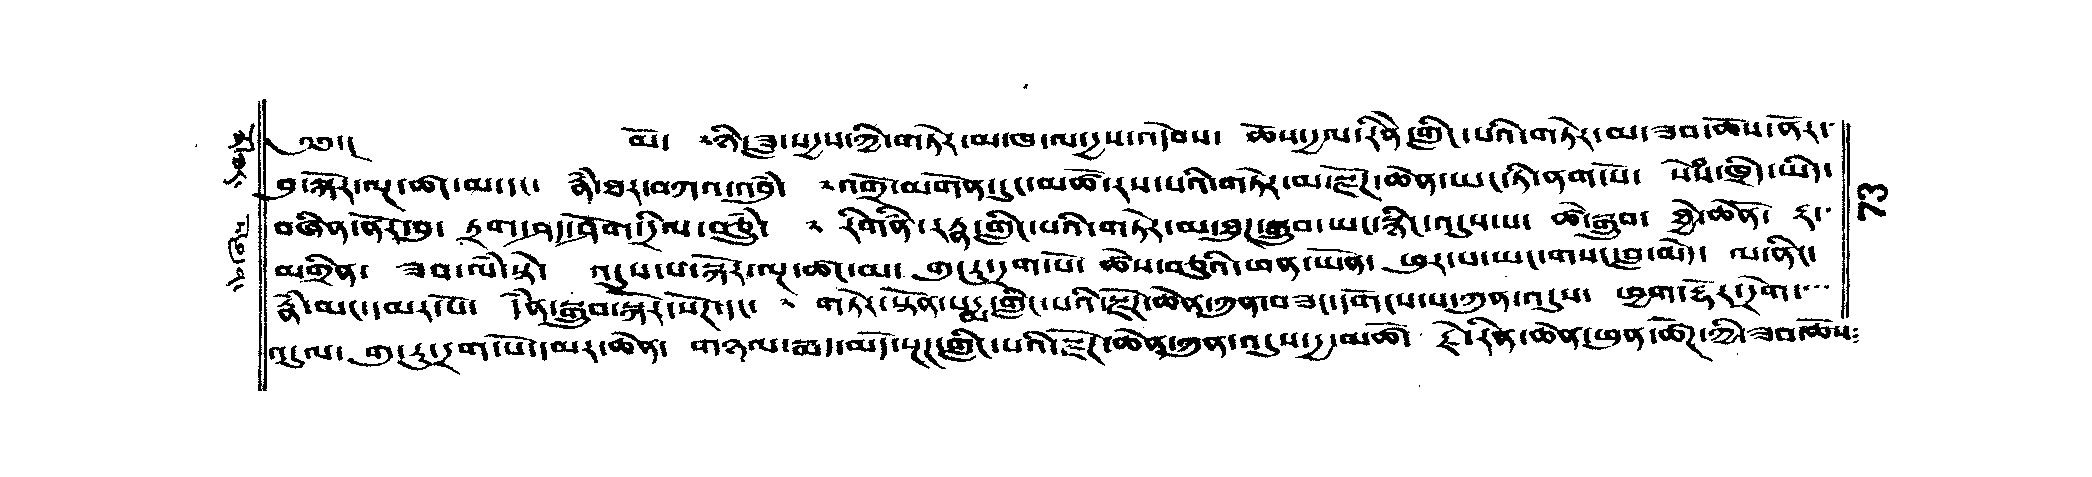མོ། ཉི་ཟླ་སངས་རྒྱས་ཀྱི་གཏེར་མ་ཁ་ལ་རྒྱས་འདེབས། ཆོས་རྒྱལ་རིན་ཆེན་གླིང་པའི་གཏེར་མ་ཟབ་ཆོས་ནོར་
བུ་སྐོར་ལྔ་ཚང་མ་དང་། རྣམ་ཐར་བཀའ་འབུམ། འགྲོ་མགོན་དུང་མཚོ་རས་པའི་གཏེར་མ་རྫོགས་ཆེན་ཡང་ཏི་ནག་པོ། སེམས་ཁྲིད་ཡིད་
བཞིན་ནོར་བུ། ཏྲག་ཤད་ཤོག་དྲིལ་བཅུ་གསུམ། རིག་འཛིན་རཏྣ་གླིང་པའི་གཏེར་མ་ཐུགས་སྒྲུབ་ཡང་སྙིང་འདུས་པ། ཚེ་སྒྲུབ། ཐུགས་རྗེ་ཆེན་པོ། རྟ་
མགྲིན། ཟབ་ལམ་སྟེ། འདུས་པ་སྐོར་ལྔ་ཚང་མ། གུ་རུ་དྲག་པོ། ཚེས་བཅུའི་ཕན་ཡོན། ཕུར་པ་ཡང་གསང་བླ་མེད། མ་ནིང་
རྣམ་མང་དམར་པོ། དམ་ཅན་སྒྲུབ་སྐོར་སོགས་དང་། གཏེར་སྟོན་པདྨ་གླིང་པའི་རྫོགས་ཆེན་ཀུན་བཟང་དགོངས་པ་ཀུན་འདུས། ཕྱག་རྡོར་དྲེགས་
འདུལ། གུ་རུ་དྲག་པོ་དམར་ཆེན། གཉལ་སྨད་མདོ་སྔགས་གླིང་པའི་རྫོགས་ཆེན་ཀུན་འདུས་རྒྱ་མཚོ། རྗེ་རིན་ཆེན་ཕུན་ཚོགས་ཀྱི་ཟབ་ཆོས་